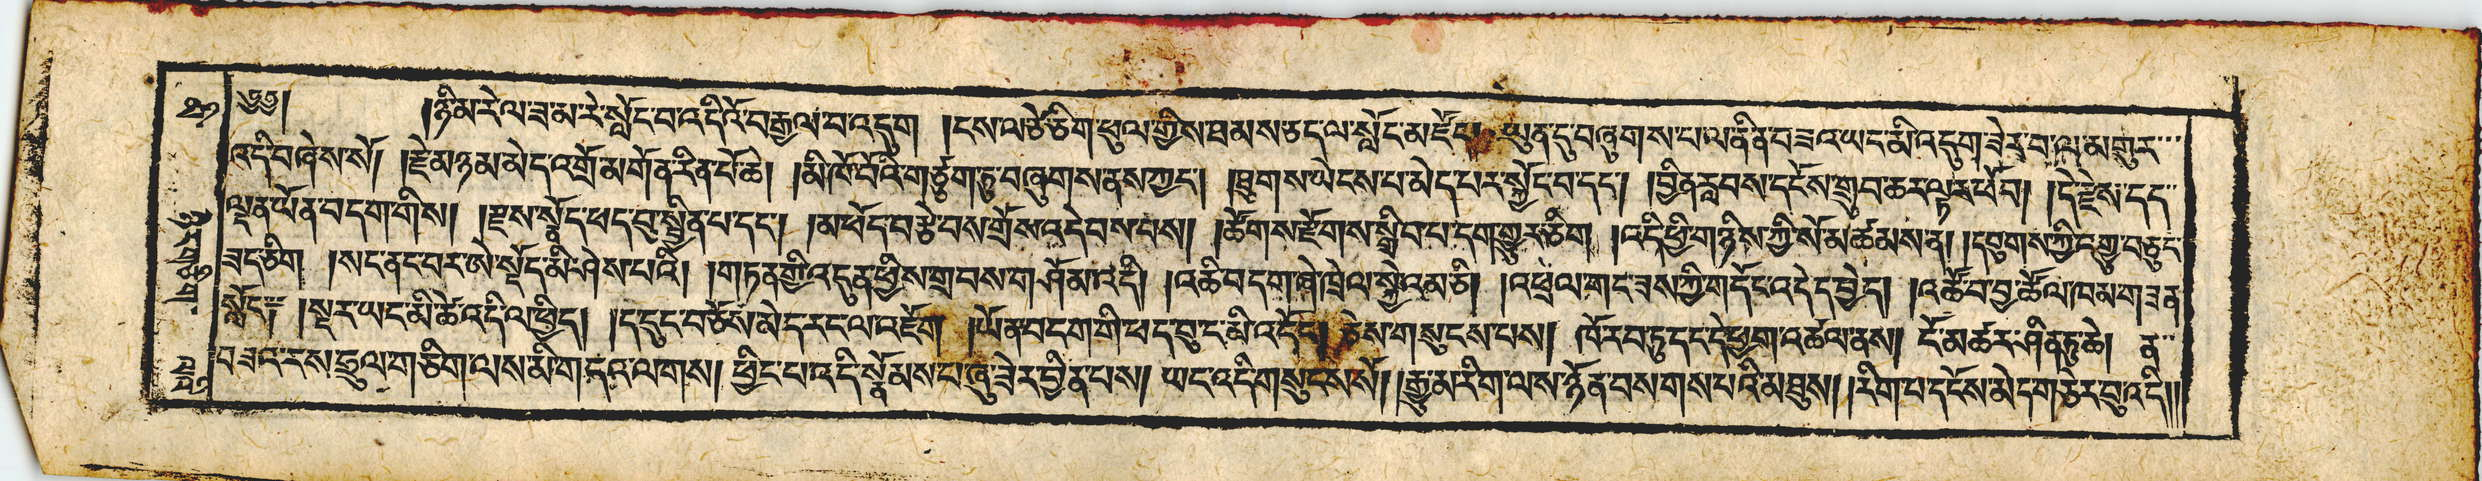ཉི་མ་རེ་ལ་ཟ་མ་རེ་སློང་བ་འདིའོ་བརྒྱལ་བ་འདུག །ངས་ལ་ཙེ་ཅིག་ཕུལ་གྱིས་ཐམས་ཅད་ལ་སློང་མཛོད། ཡུན་དུ་བཞུགས་པ་ལ་ནི་ན་བཟའ་ཡང་མི་འདུག་ཟེར་བ་ལ་མགུར་
འདི་བཞེས་སོ། །རྗེ་མཉམ་མེད་འགྲོ་མགོན་རིན་པོ་ཆེ། །མི་ཁོ་བོའི་གཙུག་ཏུ་བཞུགས་ནས་ཀྱང་། །ཐུགས་ཡེངས་པ་མེད་པར་སྐྱོང་བ་དང་། །བྱིན་རླབས་དངོས་གྲུབ་ཆར་ལྟར་ཕོབ། །དེ་རྗེས་དད་
ལྡན་ཡོན་བདག་གིས། །རྫས་སྣོད་ཕད་བུ་སྦྱིན་པ་དང་། །མ་ཕོད་བརྩེ་བས་གྲོས་འདེབས་པས། །ཚོགས་རྫོགས་སྒྲིབ་པ་དག་གྱུར་ཅིག །འདི་ཕྱི་གཉིས་ཀྱི་སོ་མཚམས་ན། །དབུགས་ཀྱི་འགྱུ་བ་ཅུང་
ཟད་ཅིག །སང་ནང་པར་ཨེ་སྡོད་མི་ཤེས་པའི། །གཏན་གྱི་འདུན་ཕྱིས་གྲབས་གཤོམ་འདི། །འཆི་བདག་ཞེ་ཁྲེལ་སྐྱེ་འམ་ཅི། །འཕྲལ་གང་ཟས་ཀྱི་གདོང་འདེད་བྱེད། །འཚོ་བ་བྱ་ཚོལ་ཁམ་གཟན་
སློང་། །སྔར་ཡང་མི་ཚེ་འདི་ལ་ཕྱིད། །ད་དུང་བཅོས་མེད་རང་ལ་འཇོག། ཡོན་བདག་གི་ཕད་བུ་ང་མི་འདོད། ཅེས་གསུངས་པས། ཁོ་རབ་ཏུ་དད་དེ་ཕྱག་འཚལ་ནས། ངོ་མཚར་ཤིན་ཏུ་ཆེ། ན་
བཟའ་རས་ཧྲུལ་གཅིག་ལས་མི་གདའ་ལགས། ཕྱིང་པ་འདི་སྣོམས་པ་ཞུ་ཟེར་བྱིན་པས། ཡང་འདི་གསུངས་སོ། །རྒྱུ་མ་རིག་ལས་ཉོན་བསགས་པའི་མཐུས། །རིག་པ་དངོས་མེད་གཅེར་བུ་འདི།།